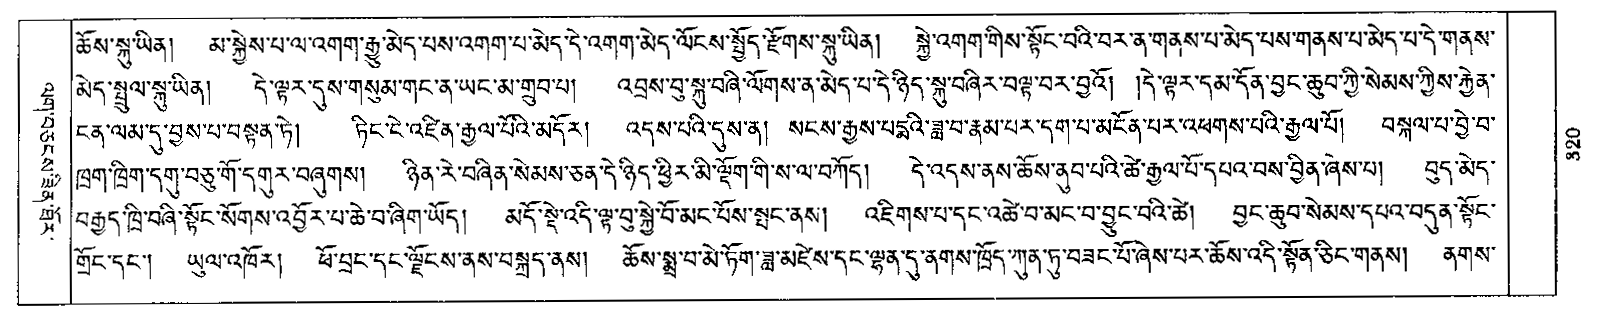ཆོས་སྐུ་ཡིན། མ་སྐྱེས་པ་ལ་འགག་རྒྱུ་མེད་པས་འགག་པ་མེད་དེ་འགག་མེད་ལོངས་སྤྱོད་རྫོགས་སྐུ་ཡིན། སྐྱེ་འགག་གིས་སྟོང་བའི་བར་ན་གནས་པ་མེད་པས་གནས་པ་མེད་པ་དེ་གནས་
མེད་སྤྲུལ་སྐུ་ཡིན། དེ་ལྟར་དུས་གསུམ་གང་ན་ཡང་མ་གྲུབ་པ། འབྲས་བུ་སྐུ་བཞི་ལོགས་ན་མེད་པ་དེ་ཉིད་སྐུ་བཞིར་བལྟ་བར་བྱའོ། །དེ་ལྟར་དམ་དོན་བྱང་ཆུབ་ཀྱི་སེམས་ཀྱིས་རྐྱེན་
ངན་ལམ་དུ་བྱས་པ་བསྟན་ཏེ། ཏིང་ངེ་འཛིན་རྒྱལ་པོའི་མདོར། འདས་པའི་དུས་ན། སངས་རྒྱས་པདམའི་ཟླ་བ་རྣམ་པར་དག་པ་མངོན་པར་འཕགས་པའི་རྒྱལ་པོ། བསྐལ་པ་བྱེ་བ་
ཁྲག་ཁྲིག་དགུ་བཅུ་གོ་དགུར་བཞུགས། ཉིན་རེ་བཞིན་སེམས་ཅན་དེ་ཉིད་ཕྱིར་མི་ལྡོག་གི་ས་ལ་བཀོད། དེ་འདས་ནས་ཆོས་ནུབ་པའི་ཚེ་རྒྱལ་པོ་དཔའ་བས་བྱིན་ཞེས་པ། བུད་མེད་
བརྒྱད་ཁྲི་བཞི་སྟོང་སོགས་འབྱོར་པ་ཆེ་བ་ཞིག་ཡོད། མདོ་སྡེ་འདི་ལྟ་བུ་སྐྱེ་བོ་མང་པོས་སྤང་ནས། འཇིགས་པ་དང་འཚེ་བ་མང་བ་བྱུང་བའི་ཚེ། བྱང་ཆུབ་སེམས་དཔའ་བདུན་སྟོང་
གྲོང་དང་། ཡུལ་འཁོར། ཕོ་བྲང་དང་ལྗོངས་ནས་བསྐྲད་ནས། ཆོས་སྨྲ་བ་མེ་ཏོག་ཟླ་མཛེས་དང་ལྷན་དུ་ནགས་ཁྲོད་ཀུན་ཏུ་བཟང་པོ་ཞེས་པར་ཆོས་འདི་སྟོན་ཅིང་གནས། ནགས་